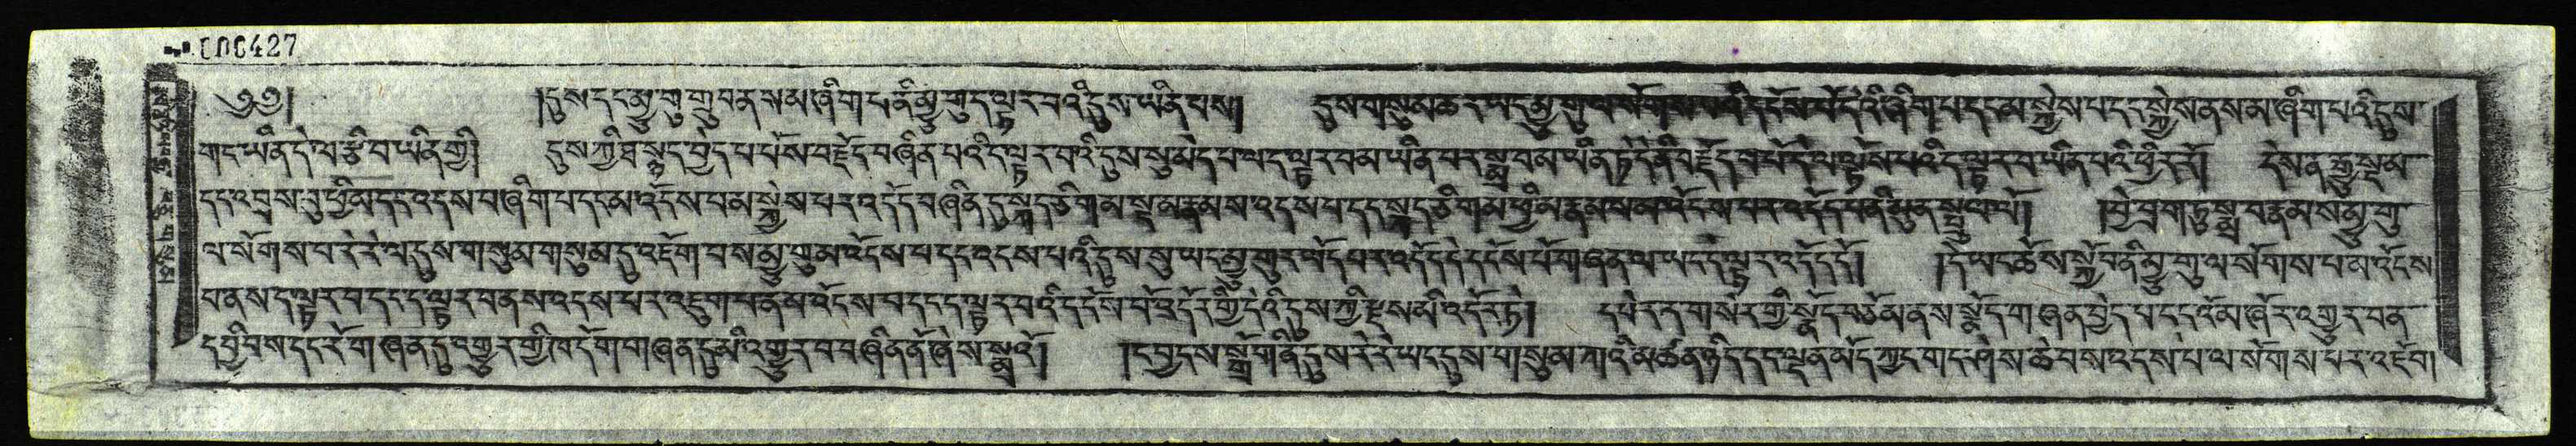༄༅། །དུས་དང་མྱུ་གུ་གྲུབ་ན་སམ་ཞིག་བ་ནི་མྱུ་གུ་ད་ལྟར་བའི་དུས་ཡིན་པས། དུས་གསུམ་ཆར་ཡང་མྱུ་གུ་ལ་སོགས་པའི་དངོས་པོ་དེའི་ཞིག་པ་དང་མ་སྐྱེས་པ་དང་སྐྱེས་ནས་མ་ཞིག་པའི་དུས་
གང་ཡིན་དེ་ལ་རྩི་བ་ཡིན་གྱི། དུས་ཀྱི་ཐ་སྙད་བྱེད་པ་པོས་བརྗོད་བཞིན་པའི་དེ་ལྟར་བའི་དུས་སུ་མེད་པ་ལ་ད་ལྟར་བ་མ་ཡིན་པར་སྨྲ་བ་མ་ཡིན་ཏེ་དེ་ནི་བརྗོད་པ་པོ་དེ་ལ་ལྟོས་པའི་ད་ལྟར་བ་ཡིན་པའི་ཕྱིར་རོ། དེས་ན་རྒྱུ་སྔ་མ་
དང་འབྲས་བུ་ཕྱི་མ་དང་འདས་པ་ཞིག་པ་དང་མ་འོངས་པ་མ་སྐྱེས་པར་འདོད་བཞིན་དུ་སྐད་ཅིག་མ་སྔ་མ་རྣམས་འདས་པ་དང་སྐད་ཅིག་མ་ཕྱི་མ་རྣམས་མ་འོངས་པར་འདོད་པ་ནི་མུན་སྦྲུལ་ལོ། །བྱེ་བྲག་ཏུ་སྨྲ་བ་རྣམས་མྱུ་གུ་
ལ་སོགས་པ་རེ་རེ་ལ་དུས་གསུམ་གསུམ་དུ་འཇོག་པས་མྱུ་གུ་མ་འོངས་པ་དང་འདས་པའི་དུས་སུ་ཡང་མྱུ་གུར་ཡོད་པར་འདོད་དེ་དངོས་པོ་གཞན་ལ་ཡང་དེ་ལྟར་འདོད་དོ། །དེ་ཡང་ཆོས་སྐྱོ་བ་ནི་མྱུ་གུ་ལ་སོགས་པ་མ་འོངས་
པ་ནས་ད་ལྟར་བ་དང་ད་ལྟར་བ་ནས་འདས་པར་འཇུག་པ་ན་མ་འོངས་པ་དང་ད་ལྟར་བའི་དངོས་པོ་འདོར་གྱི་དེའི་དུས་ཀྱི་རྫས་མི་འདོར་ཏེ། དཔེར་ན་གསེར་གྱི་སྣོད་བཅོམ་ནས་སྣོད་གཞན་བྱེད་པ་དང་འོ་མ་ཞོར་འགྱུར་བ་ན་
དབྱིབས་དང་རོ་གཞན་དུ་འགྱུར་གྱི་ཁ་དོག་གཞན་དུ་མི་འགྱུར་བ་བཞིན་ནོ་ཞེས་སྨྲའོ། །དབྱངས་སྒྲོག་ནི་དུས་རེ་རེ་ཡང་དུས་གསུམ་ཀའི་མཚན་ཉིད་དང་ལྡན་མོད་ཀྱང་གང་ཤེས་ཆེ་བས་འདས་པ་ལ་སོགས་པར་འཇོག་